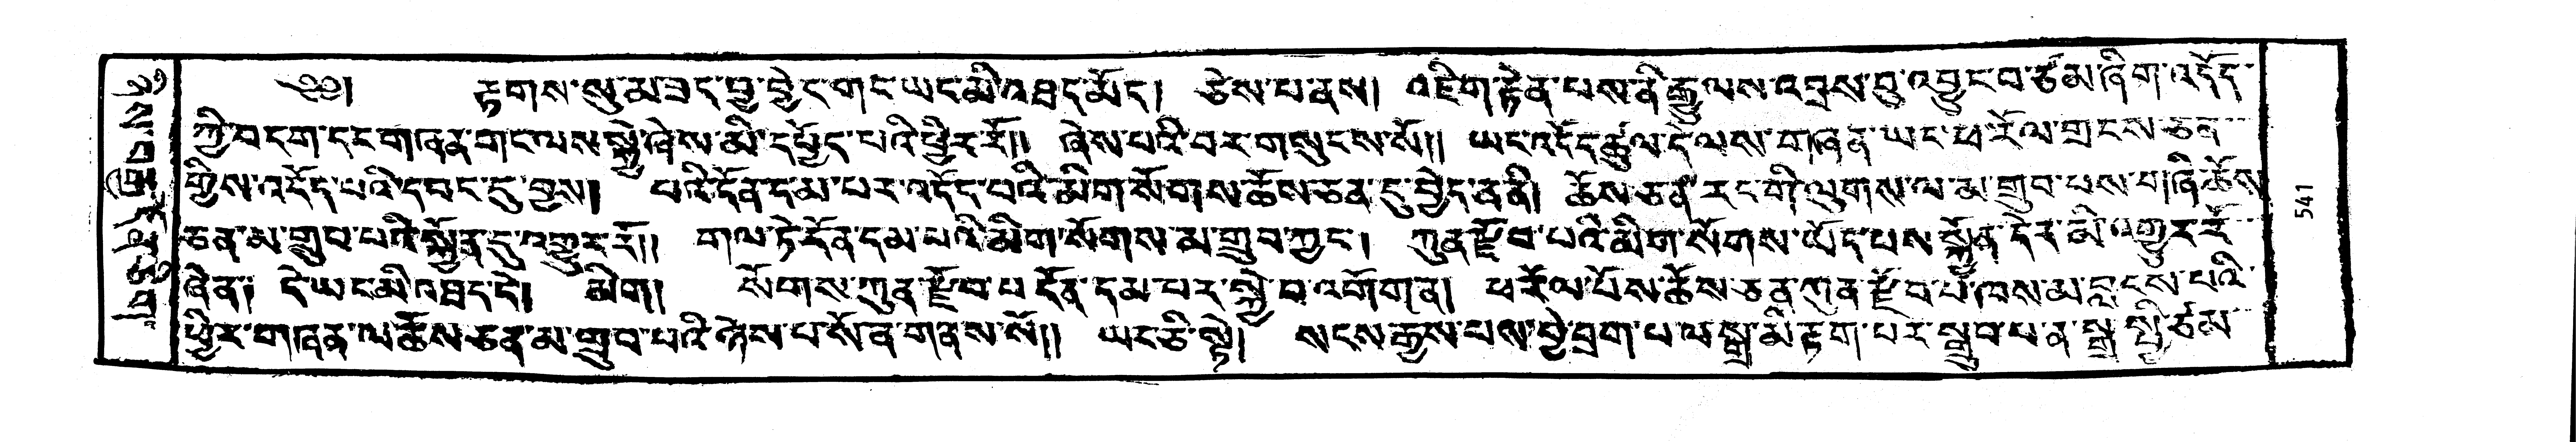༄༅། །རྟགས་སུ་མ་ཟད་བྱ་བྱེད་གང་ཡང་མི་འཐད་མོད། ཅེས་པ་ནས། འཇིག་རྟེན་པས་ནི་རྒྱུ་ལས་འབྲས་བུ་འབྱུང་བ་ཙམ་ཞིག་འདོད་
ཀྱི་བདག་དང་གཞན་གང་ལས་སྐྱེ་ཞེས་མི་དཔྱོད་པའི་ཕྱིར་རོ། །ཞེས་པའི་བར་གསུངས་སོ། །ཡང་འདོད་ཚུལ་དེ་ལས་གཞན་ཡང་ཕ་རོལ་གྲངས་ཅན་
གྱིས་འདོད་པའི་དབང་དུ་བྱས། པའི་དོན་དམ་པར་འདོད་པའི་མིག་སོགས་ཆོས་ཅན་དུ་བྱེད་ན་ནི། ཆོས་ཅན་རང་གི་ལུགས་ལ་མ་གྲུབ་པས་གཞི་ཆོས་
ཅན་མ་གྲུབ་པའི་སྐྱོན་དུ་འགྱུར་རོ། །གལ་ཏེ་དོན་དམ་པའི་མིག་སོགས་མ་གྲུབ་ཀྱང་། ཀུན་རྫོབ་པའི་མིག་སོགས་ཡོད་པས་སྐྱོན་དེར་མི་འགྱུར་རོ་
ཞེ་ན༑ དེ་ཡང་མི་འཐད་དེ། མིག །སོགས་ཀུན་རྫོབ་པ་དོན་དམ་པར་སྐྱེ་བ་འགོག་ན། ཕ་རོལ་པོས་ཆོས་ཅན་ཀུན་རྫོབ་པ་ཁས་མ་བླངས་པའི་
ཕྱིར་གཞན་ལ་ཆོས་ཅན་མ་གྲུབ་པའི་ཉེས་པ་སོ་ན་གནས་སོ། །ཡང་ཅི་སྟེ། སངས་རྒྱས་པས་བྱེ་བྲག་པ་ལ་སྒྲ་མི་རྟག་པར་སྒྲུབ་པ་ན་སྒྲ་སྤྱི་ཙམ་